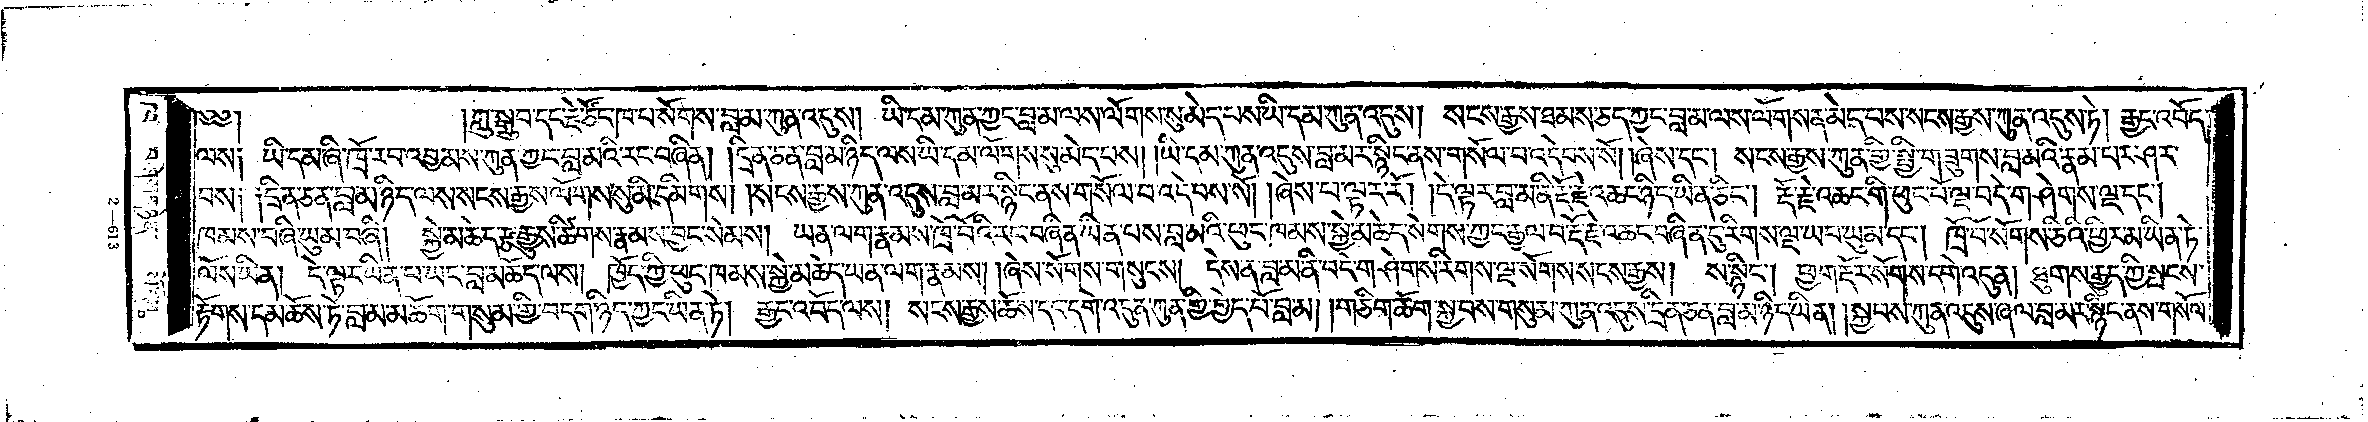༄༅། །ཀླུ་སྒྲུབ་དང་རྗེ་ཙོང་ཁ་པ་སོགས་བླ་མ་ཀུན་འདུས། ཡི་དམ་ཀུན་ཀྱང་བླ་མ་ལས་ལོགས་སུ་མེད་པས་ཡི་དམ་ཀུན་འདུས། སངས་རྒྱས་ཐམས་ཅད་ཀྱང་བླ་མ་ལས་ལོགས་ན་མེད་པས་སངས་རྒྱས་ཀུན་འདུས་ཏེ། རྒྱང་འབོད་
ལས༑ ཡི་དམ་ཞི་ཁྲོ་རབ་འབྱམས་ཀུན་ཀྱང་བླ་མའི་རང་བཞིན། །དྲིན་ཅན་བླ་མ་ཉིད་ལས་ཡི་དམ་ལོགས་སུ་མེད་པས། །ཡི་དམ་ཀུན་འདུས་བླ་མར་སྙིང་ནས་གསོལ་བ་འདེབས་སོ། །ཞེས་དང་། སངས་རྒྱས་ཀུན་གྱི་སྤྱི་གཟུགས་བླ་མའི་རྣམ་པར་ཤར་
བས༑ ༑དྲིན་ཅན་བླ་མ་ཉིད་ལས་སངས་རྒྱས་ལོགས་སུ་མི་དམིགས། །སངས་རྒྱས་ཀུན་འདུས་བླ་མར་སྙིང་ནས་གསོལ་བ་འདེབས་སོ། །ཞེས་པ་ལྟར་རོ། །དེ་ལྟར་བླ་མ་ནི་རྡོ་རྗེ་འཆང་ཉིད་ཡིན་ཅིང་། རྡོ་རྗེ་འཆང་གི་ཕུང་པོ་ལྔ་བདེ་གཤེགས་ལྔ་དང་།
ཁམས་བཞི་ཡུམ་བཞི། སྐྱེ་མཆེད་རྩ་རྒྱུས་ཚིགས་རྣམས་བྱང་སེམས། ཡན་ལག་རྣམས་ཁྲོ་བོའི་རང་བཞིན་ཡིན་པས་བླ་མའི་ཕུང་ཁམས་སྐྱེ་མཆེད་སོགས་ཀྱང་རྒྱལ་བ་རྡོ་རྗེ་འཆང་བཞིན་དུ་རིགས་ལྔ་ཡབ་ཡུམ་དང་། ཁྲོ་བོ་སོགས་ཅིའི་ཕྱིར་མ་ཡིན་ཏེ་
ལོས་ཡིན། དེ་ལྟར་ཡིན་པ་ཡང་བླ་མཆོད་ལས། ཁྱོད་ཀྱི་ཕུང་ཁམས་སྐྱེ་མཆེད་ཡན་ལག་རྣམས། །ཞེས་སོགས་གསུངས། དེས་ན་བླ་མ་ནི་བདེ་གཤེགས་རིགས་ལྔ་སོགས་སངས་རྒྱས། ས་སྙིང་། ཕྱག་རྡོར་སོགས་དགེ་འདུན། ཐུགས་རྒྱུད་ཀྱི་སྤངས་
རྟོགས་དམ་ཆོས་ཏེ་བླ་མ་མཆོག་གསུམ་གྱི་བདག་ཉིད་ཀྱང་ཡིན་ཏེ། རྒྱང་འབོད་ལས། སངས་རྒྱས་ཆོས་དང་དགེ་འདུན་ཀུན་གྱི་བྱེད་པོ་བླ་མ། །གཅིག་ཆོག་སྐྱབས་གསུམ་ཀུན་འདུས་དྲིན་ཅན་བླ་མ་ཉིད་ཡིན། །སྐྱབས་ཀུན་འདུས་ཞལ་བླ་མར་སྙིང་ནས་གསོལ་